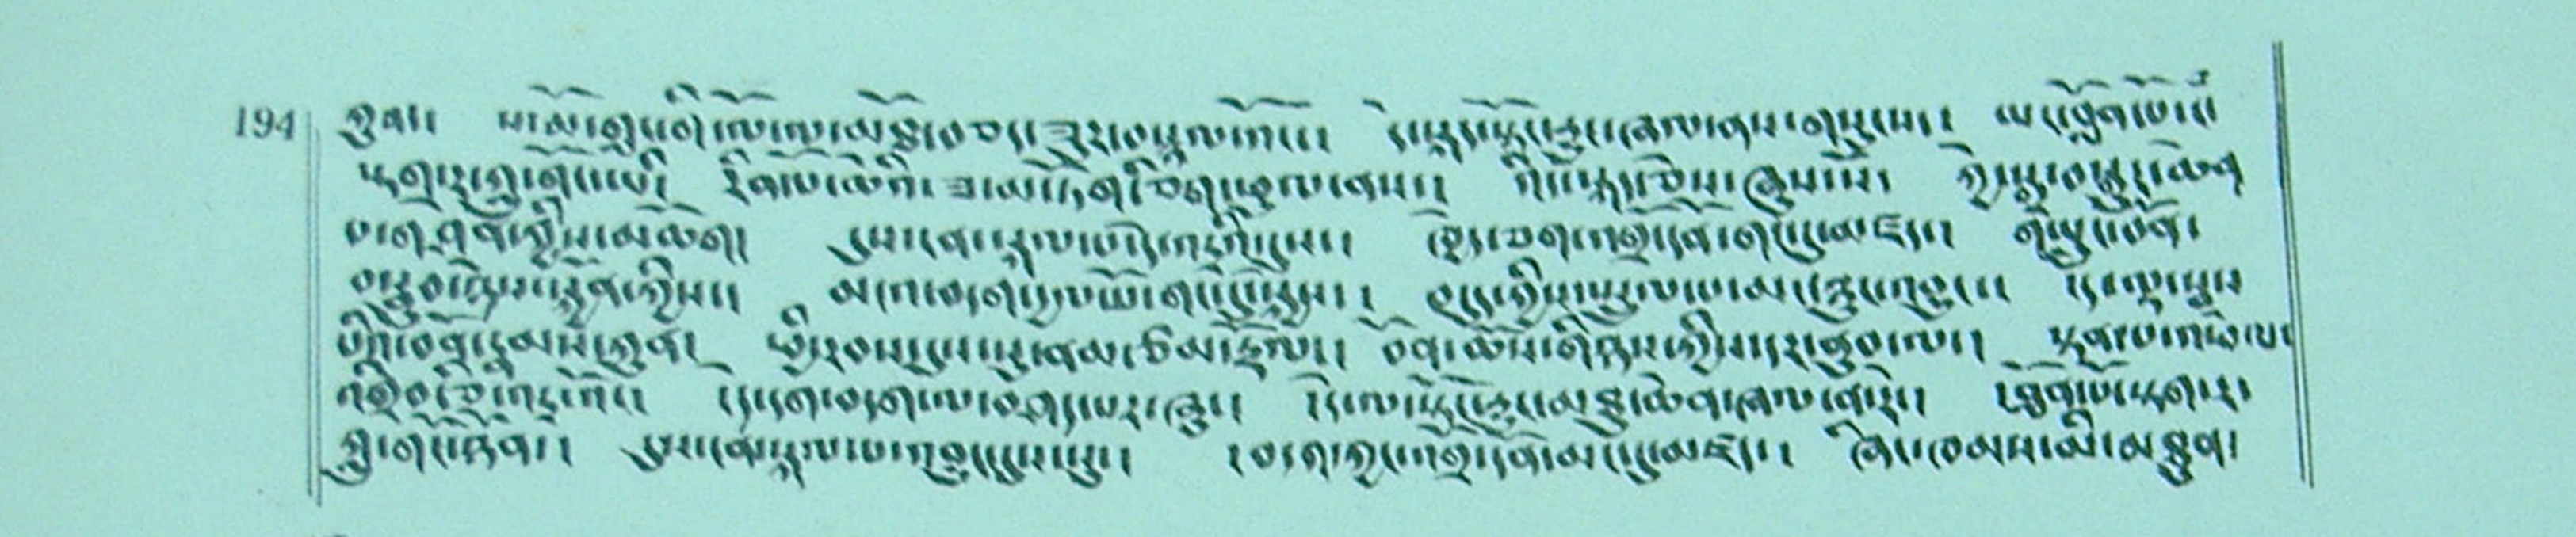ཀུན། ས་མོ་གླང་གི་ལོ་ལ་མཐོ་བཅད་ཟུར་བསྙལ་འོང་། དེ་སྐད་སྟོང་རྒྱུང་ཞལ་ནས་གསུངས། ཡང་བློན་པོ་ངམ་
སྟག་ར་ཀླུ་གོང་ཡི། རིན་པོ་ཆེའི་ཟ་མ་ཏོག་ཅིག་ཕུལ་ནས། འདི་སྐད་ཅེས་ཞུས་སོ། ཀྱེ་སྒྲ་བསྒྱུར་ཆེན་
པོ་གཤེན་གྱི་མཆོག དུས་ངན་བསྐལ་པ་དེ་འདྲའི་དུས། ཁྱེད་ཅག་འགྲོ་དོན་གང་དུ་མཛད། གཡུང་དྲུང་བོན་
བསྣུབ་ཉེས་སྐྱོན་གྱིས། མངའ་བདག་རྒྱལ་བོ་གང་དུ་སྐྱེས། བདུད་ཀྱི་སྤྲུལ་པ་མང་ཉུང་འབྱུང་། །ད་ལྟ་སྦས་
པའི་བོན་རྣམས་ཀུན། ཕྱི་རབས་དུས་སུ་ནམ་ཙམ་རྡོལ། བོན་ཆོས་གཉིས་ཀྱིས་དར་ནུབ་ལ། བསྟན་པའི་འཕེལ་
འགྲིབ་ཅི་འདྲ་འོང་། །དེ་དག་བདག་ལ་བཤད་པར་ཞུ། དེ་ལ་སྟོང་རྒྱུང་མཐུ་ཆེན་ཞལ་ན་རེ། བློན་པོ་སྟག་ར་
ཀླུ་གོང་ཉོན། དུས་ངན་བསྐལ་པ་འབྱུང་དུས་སུ། བདག་ཀྱང་འགྲོ་དོན་མང་དུ་མཛད། ཞིང་ཁམས་མི་མཐུན་